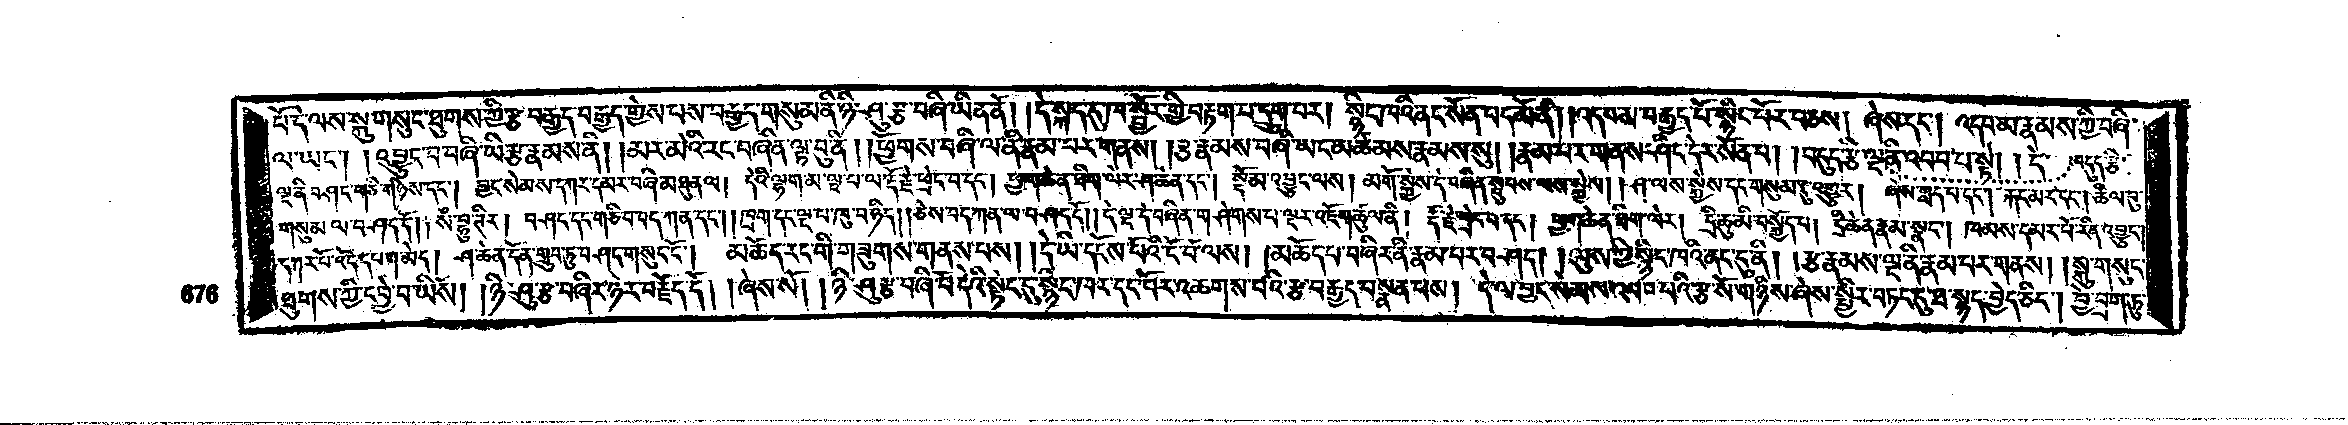པོ་དེ་ལས་སྐུ་གསུང་ཐུགས་ཀྱི་རྩ་བརྒྱད་བརྒྱད་གྱེས་པས་བརྒྱད་གསུམ་ནི་ཉི་ཤུ་རྩ་བཞི་ཡིན་ནོ། །དེ་སྐད་དུ་ཁ་སྦྱོར་གྱི་བརྟག་པ་དྲུག་པར། སྙིང་ཁའི་ནང་སོན་པད་མོ་ནི། །འདབ་མ་བརྒྱད་པོ་སྙིང་པོར་བཅས། ཞེས་དང་། འདབ་མ་རྣམས་ཀྱི་བཞི་
ལ་ཡང་། །འབྱུང་བ་བཞི་ཡི་རྩ་རྣམས་ནི། །མར་མེའི་རང་བཞིན་ལྟ་བུ་ནི། །ཕྱོགས་བཞི་ལ་ནི་རྣམ་པར་གནས། །རྩ་རྣམས་བཞི་ཡང་མཚམས་རྣམས་སུ། །རྣམ་པར་གནས་ཤིང་དེར་སོན་པ། །བདུད་རྩི་ལྔ་ནི་འབབ་པ་སྟེ། །དེ་བདུད་རྩི་
ལྔ་ནི་བཤད་གཅི་གཉིས་དང་། བྱང་སེམས་དཀར་དམར་བཞི་མཐུན་ལ། དེའི་ལྷག་མ་ལྔ་པ་ལ་རྡོ་རྗེ་ཕྲེང་བ་དང་། ཕྱག་ཆེན་ཐིག་ལེར་ཤ་ཆེན་དང་། སྡོམ་འབྱུང་ལས། མགོ་སྐྱེས་དེ་བཞིན་སྦུབས་ལས་སྐྱེས། །ཤ་ལས་སྐྱེས་དང་གསུམ་དུ་འགྱུར། ཞེས་ཀླད་པ་དང་། རྐང་མར་དང་། ཚིལ་བུ་
གསུམ་ལ་བཤད་དོ། །སཾ་བྷུ་ཊིར། བཤད་དང་གཅི་?་བ་བད་ཀན་དང་། །ཁྲག་དང་ལྔ་པ་ཁུ་བ་ཉིད། །ཅེས་བད་ཀན་ལ་བཤད་དོ། །དེ་ལྔ་དེ་བཞིན་གཤེགས་པ་ལྔར་འཇོག་ཚུལ་ནི། རྡོ་རྗེ་ཕྲེང་བ་དང་། ཕྱག་ཆེན་ཐིག་ལེར། དྲི་ཆུ་མི་བསྐྱོད་པ། དྲི་ཆེན་རྣམ་སྣང་། ཁམས་དམར་པོ་རིན་འབྱུང་།
དཀར་པོ་འོད་དཔག་མེད། ཤ་ཆེན་དོན་གྲུབ་ཏུ་བཤད་གསུང་ངོ། མཆོད་རང་གི་གཟུགས་གནས་པས། །དེ་ཡི་དངོས་པོའི་ངོ་བོ་ལས། །མཆོད་པ་བཞིར་ནི་རྣམ་པར་བཤད། །ལུས་ཀྱི་སྙིང་ཁའི་ནང་དུ་ནི། །རྩ་རྣམས་ལྔ་ནི་རྣམ་པར་གནས། །སྐུ་གསུང་
ཐུགས་ཀྱི་དབྱེ་བ་ཡིས། །ཉི་ཤུ་རྩ་བཞིར་ཉེར་བརྗོད་དོ། །ཞེས་སོ། །ཉི་ཤུ་རྩ་བཞི་པོ་དེའི་སྟེང་དུ་སྙིང་ཁར་དང་པོར་འཆགས་པའི་རྩ་བརྒྱད་བསྣན་པས། དེ་ལ་བྱང་སེམས་འབབ་པའི་རྩ་སོ་གཉིས་ཞེས་སྤྱིར་བཏང་དུ་ཐ་སྙད་བྱེད་ཅིང་། བྱེ་བྲག་ཏུ་